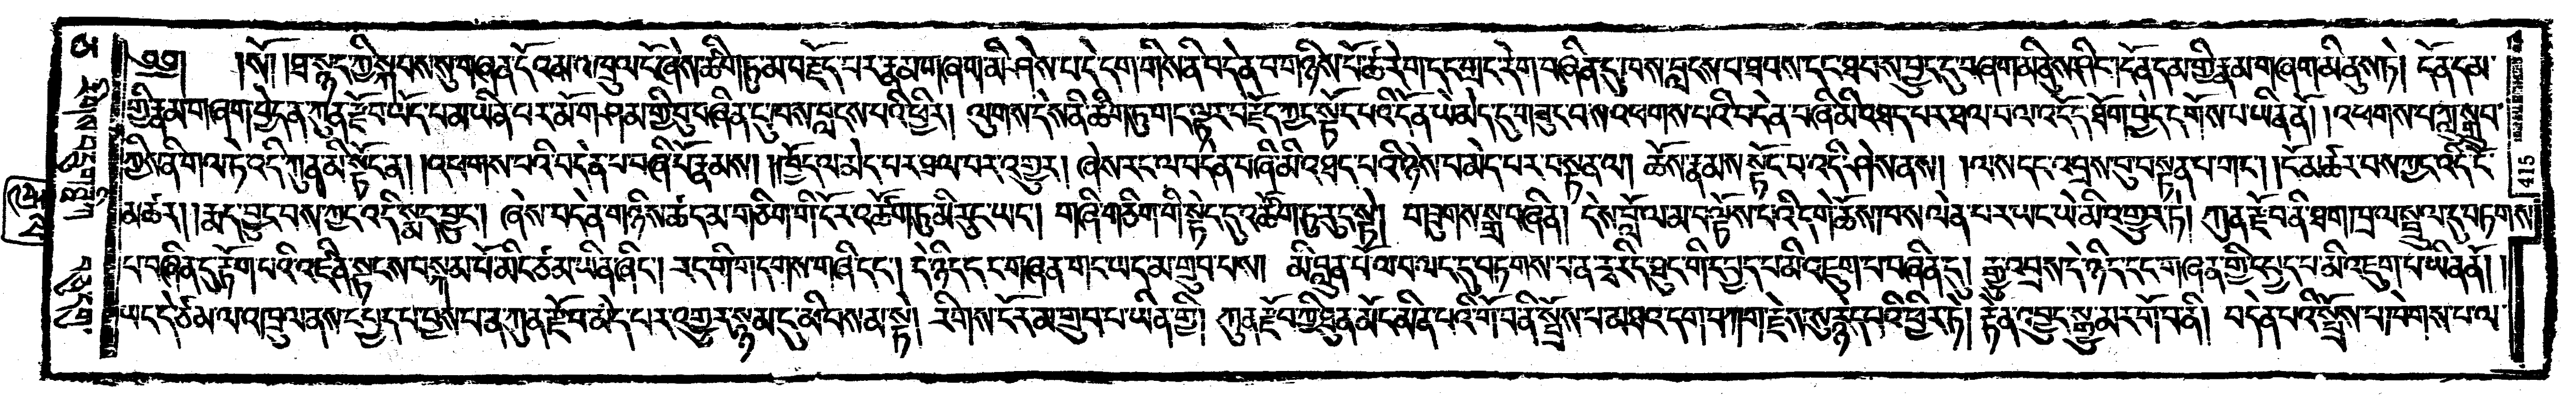༄༅། །སོ། །ཐ་སྙད་ཀྱི་སྐབས་སུ་གཞན་དོའམ་འཁྲུལ་ངོ་ཞེས་ཚིག་ཏུ་མ་བརྗོད་པར་རྣམ་གཞག་མི་ཤེས་པ་དེ་དག་གིས་ནི་བདེན་པ་གཉིས་པོ་ཚ་རེག་དང་གྲང་རེག་བཞིན་དུ་ཁས་བླངས་པ་ཐབས་དང་ཐབས་བྱུང་དུ་བཞག་མི་ནུས་ཤིང་། དོན་དམ་གྱི་རྣམ་གཞག་མི་ནུས་ཏེ། དོན་དམ་
གྱི་རྣམ་གཞག་བྱེད་ན་ཀུན་རྫོབ་ཡོད་པ་མ་ཡིན་པར་མོ་གཤམ་གྱི་བུ་བཞིན་དུ་ཁས་བླངས་པའི་ཕྱིར། ལུགས་དེས་ནི་ཚིག་ཏུ་གང་ལྟར་བརྗོད་ཀྱང་སྟོང་པའི་དོན་ཡེ་མེད་དུ་གཟུང་བས་འཕགས་པའི་བདེན་བཞི་མི་འཐད་པར་ཐལ་བ་ལ་འདོད་ཐོག་བྱེད་དགོས་པ་ཡིན་ནོ། །འཕགས་པ་ཀླུ་སྒྲུབ་
ཀྱིས་ནི་གལ་ཏེ་འདི་ཀུན་མི་སྟོང་ན། །འཕགས་པའི་བདེན་པ་བཞི་པོ་རྣམས། །ཁྱོད་ལ་མེད་པར་ཐལ་བར་འགྱུར། ཞེས་རང་ལ་བདེན་བཞི་མི་འཐད་པའི་ཉེས་པ་མེད་པར་བསྟན་ལ། ཆོས་རྣམས་སྟོང་པ་འདི་ཤེས་ནས། །ལས་དང་འབྲས་བུ་བསྟན་པ་གང་། །ངོ་མཚར་བས་ཀྱང་འདི་ངོ་
མཚར། །རྨད་བྱུང་བས་ཀྱང་འདི་སྨད་བྱུང་། ཞེས་བདེན་གཉིས་ཚད་མ་གཅིག་གི་ངོར་འཚོག་ཏུ་མི་རུང་ཡང་། གཞི་གཅིག་གི་སྟེང་དུ་འཚོག་ཏུ་རུང་སྟེ། གཟུགས་སྒྲ་བཞིན། དེས་བློ་ལ་མ་བལྟོས་པའི་དགེ་ཆོས་ཁས་ལེན་པར་ཡང་ཡེ་མི་འགྱུར་ཏེ། ཀུན་རྫོབ་ནི་ཐག་ཁྲལ་སྦྲུལ་དུ་བཏགས་
པ་བཞིན་དུ་རྟོག་པའི་འཛིན་སྟངས་བསྐམ་པོ་མིང་ཙམ་ཡིན་ཞིང་། རང་གི་གདགས་གཞི་དང་། དེ་ཉིད་དང་གཞན་གང་ཡད་མ་གྲུབ་པས། མི་བླུན་པོ་ལ་བ་ལང་དུ་བཏགས་པ་ན་རྭ་རིད་ཐུང་གི་དཔྱད་པ་མི་འཇུག་པ་བཞིན་དུ། རྒྱུ་འབྲས་དེ་ཉིད་དང་གཞན་གྱི་དཔྱད་པ་མི་འཇུག་པ་ཡིན་ནོ། །
ཡང་དེ་ཙམ་ལ་འཁྲུལ་ནས་དཔྱད་པ་བྱས་པ་ན་ཀུན་རྫོབ་མེད་པར་འགྱུར་སྙམ་དུ་མི་བསམ་སྟེ། རིགས་ངོར་མ་གྲུབ་པ་ཡིན་གྱི། ཀུན་རྫོབ་ཀྱི་ཐུན་མོང་མིན་པའི་གོ་བ་ནི་སྤྲོས་པ་མཐའ་དག་བཀག་རྗེས་སུ་རྙེད་པའི་ཕྱིར་ཏེ། རྟེན་འབྱུང་སྒྱུ་མར་གོ་བ་ནི། བདེན་པའི་སྤྲོས་པ་ཁེགས་པ་ལ་